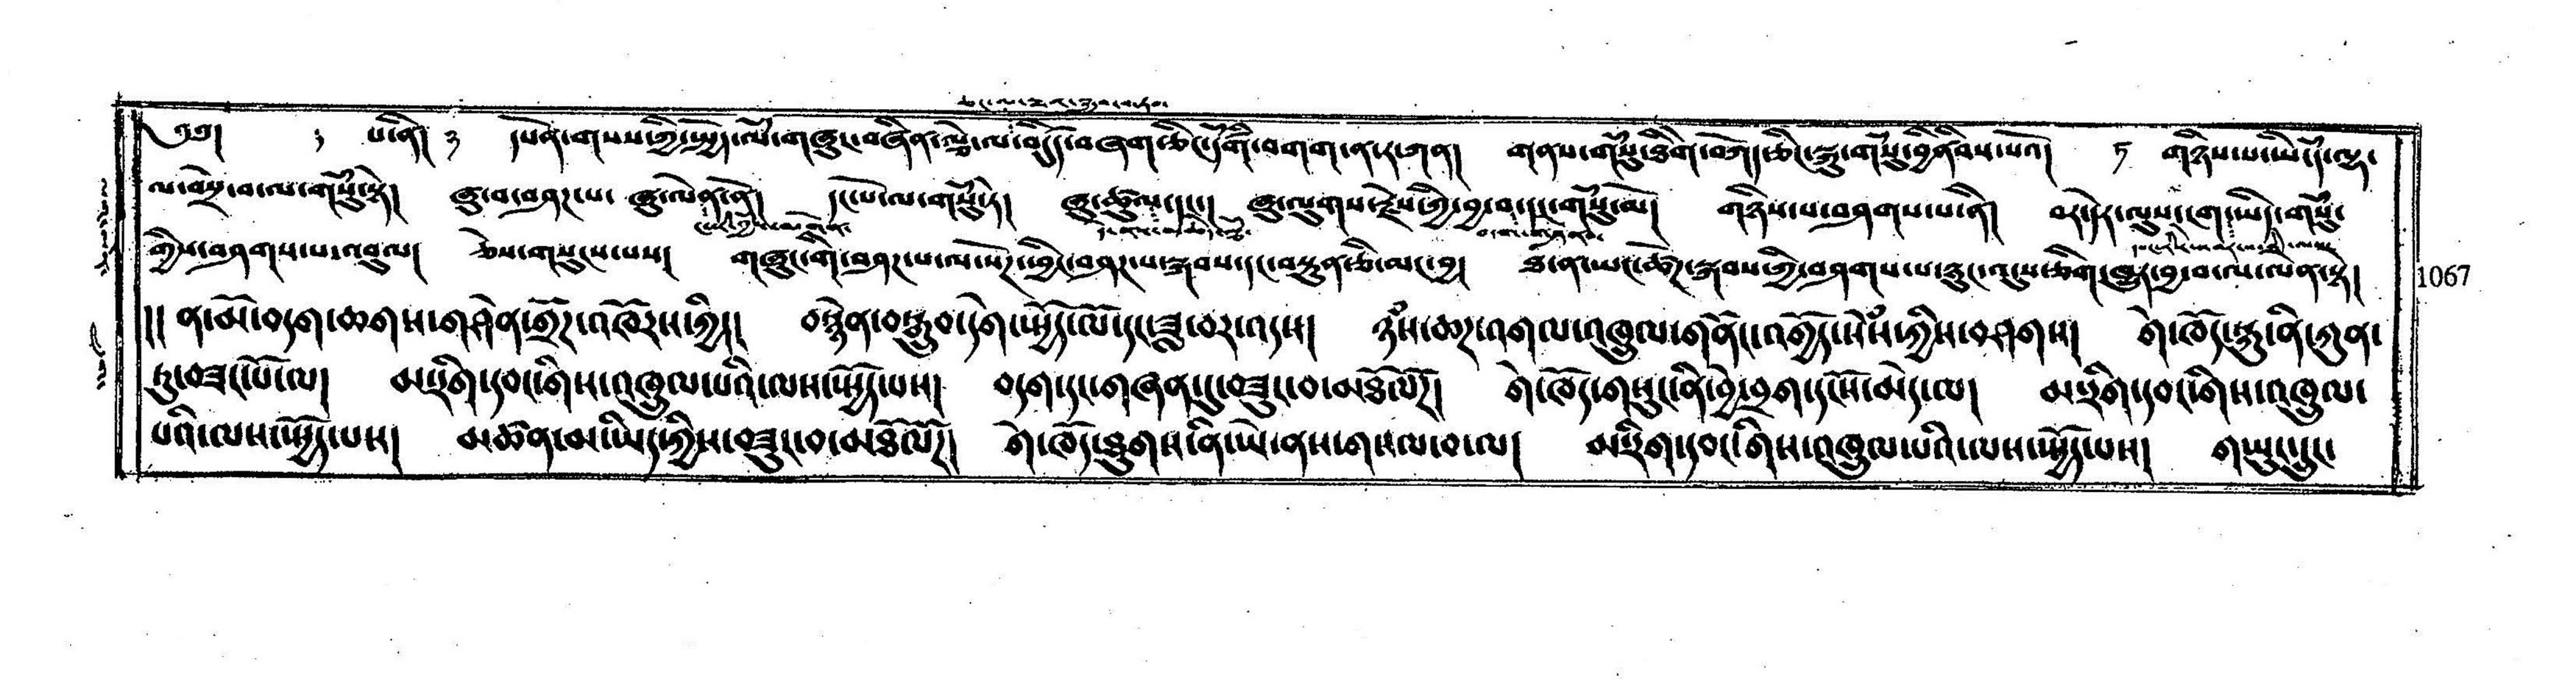པ་ནི། ཉ དཔོན་གསས་ཀྱི་སྤྱོད་ལམ་གཞུང་བཞིན་ལྕེ་ལ་ཆང་ལ་སྨན་སྒྲུབ་གཏབ་བདུད་རྩི་བཞག་ཅིང་དམ་ཚིག་བགག་ན་ར་ཀན། གནས་གསུམ་ཐིག་ལེ་བཀོད་ཅིང་སྐུ་གསུམ་བྱིན་གྱིས་རླབས་པའོ། ཧ གཉིས་པ་ཡི་དམ་ལྷ་
ལ་བསྲེ་བ་ལ་གསུམ་སྟེ། ཞུ་བ་བཤགས་པ་ཞུ་ལེན་ནོ།ང་ནི་བྱམས་མགོན་དང་པོ་ལ་གསུམ་ཏེ། ཞུ་ཚུལ་དེ་ནས་མཆེད་ལྕམ་དང་། ཞུ་ལུགས་རྗེས་ཀྱི་བྱ་བ་བདག་གཤེན་རབ་དང་གསུམ་མོ། གཉིས་པ་བཤགས་པ་ནི། བར་དེར་ལུས་ངག་དབང་རིན་ཆེན་འབར་བ་?? ཡིད་གསུམ་
གྱིས་བཤགས་པ་འབུལ། ཅེས་གསུངས་པས། གཞུང་གི་བཤགས་པ་ལ་སོགས་ཕྱི་ནང་བཤགས་པ་སྐབས་དང་བསྟུན་ཅི་མང་བྱ། ཐ་ན་ཡང་ཚོགས་སྐབས་ཀྱི་བཤགས་པ་ཉུང་འདུས་ཅིག་ཁྱུར་བྱ་ལ་ལེན་སྟེ། 
།།ན་མོ་བདག་ཆགས་གཤེན་གྲོགས་འཁོར་བཅས་ཀྱི།། བསྙེན་བསྒྲུབ་དགེ་སྤྱོད་ལོ་དང་ཟླ་བར་འདས། ཉམས་ཆགས་འགལ་འཁྲུལ་གནོང་འགྱོད་སེམས་ཀྱིས་བཤགས། གེ་ཁོད་སྐུ་ནི་ཀུན་
ཏུ་བཟང་པོ་ལ། མ་རིག་དབང་གིས་འཁྲུལ་པའི་ལས་སྤྱོད་པས། བདག་དང་གཞན་དུ་བཟུང་བ་མཐོལ་ལོ་བཤགས། གེ་ཁོད་གསུང་ནི་བྱེ་བྲག་དངོས་མེད་ལ། མ་རིག་དབང་གིས་འཁྲུལ་
པའི་ལས་སྤྱོད་པས། མཚན་མ་ཡིད་ཀྱིས་བཟུང་བ་མཐོལ་ལོ་བཤགས། གེ་ཁོད་ཐུགས་ནི་ཡེ་ནས་གསལ་བ་ལ། མ་རིག་དབང་གིས་འཁྲུལ་པའི་ལས་སྤྱོད་པས། གཡུང་དྲུང་